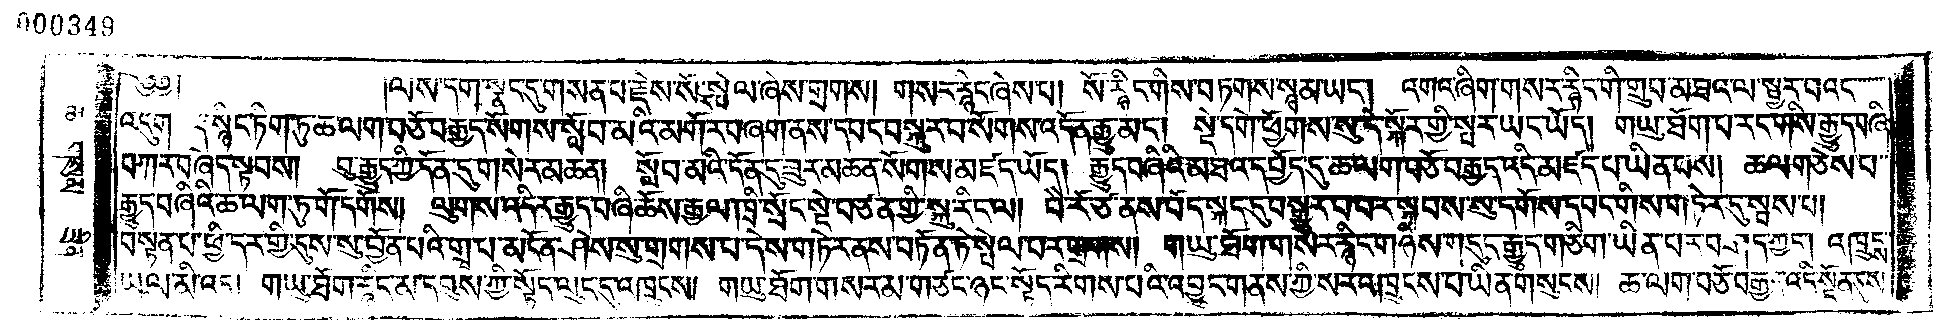༄༅། །ལས་དག་སྣང་དུ་གསན་པ་རྗེས་སོར་སྤེལ་ཞེས་གྲགས། གསར་རྙིང་ཞེས་པ། སོ་རྙིང་གིས་བཏགས་སྙམ་ཡང་། འགའ་ཞིག་གསར་རྙིང་གི་གྲུབ་མཐའ་ལ་སྦྱར་བའང་
འདུག ༑སྙིང་ཏིག་ཏུ་ཆ་ལག་བཅོ་བརྒྱད་སོགས་སློབ་མའི་མགོར་བཞག་ནས་དབང་བསྐུར་བ་སོགས་འདོན་རྒྱུ་མང་། སྡེ་དགེ་ཕྱོགས་སུ་དེ་སྐོར་གྱི་སྤར་ཡང་ཡོད། གཡུ་ཐོག་པ་རང་གིས་རྒྱུད་བཞི་
བཀར་བཞེད་སྟབས། བུ་རྒྱུད་ཀྱི་དོན་དུ་གསེར་མཆན། སློབ་མའི་དོན་དུ་ཟུར་མཆན་སོགས་མཛད་ཡོད། རྒྱུད་བཞིའི་མཐའ་དཔྱོད་དུ་ཆ་ལག་བཅོ་བརྒྱད་འདི་མཛད་པ་ཡིན་པས། ཆ་ལ་གཅེས་པ་
རྒྱུད་བཞིའི་ཆ་ལག་ཏུ་གོ་དགོས། ལུགས་འདིར་རྒྱུད་བཞི་ཆོས་རྒྱལ་ཁྲི་སྲོང་སྡེ་བཙན་གྱི་སྐུ་རིང་ལ། བཻ་རོ་ཙ་ནས་བོད་སྐད་དུ་བསྒྱུར་བ་བར་སྐབས་སུ་དགོས་དབང་གིས་གཏེར་དུ་སྦས་པ།
བསྟན་པ་ཕྱི་དར་གྱི་དུས་སུ་བྱོན་པའི་གྲྭ་པ་མངོན་ཤེས་སུ་གྲགས་པ་དེས་གཏེར་ནས་བཏོན་ཏེ་སྤེལ་བར་གྲགས། གཡུ་ཐོག་གསར་རྙིང་གཉིས་གདུང་རྒྱུད་གཅིག་ཡིན་པར་བཤད་ཀྱང་། འཁྲུངས་
ཡུལ་མི་འང་། གཡུ་ཐོག་རྙིང་མ་དབུས་ཀྱི་སྟོད་ལུང་དུ་འཁྲུངས། གཡུ་ཐོག་གསར་མ་གཙང་ཉང་སྟོད་རིགས་པའི་འབྱུང་གནས་ཀྱི་སར་འཁྲུངས་པ་ཡིན་གསུངས། ཆ་ལག་བཅོ་བརྒྱད་འདི་སྔོན་དུས་